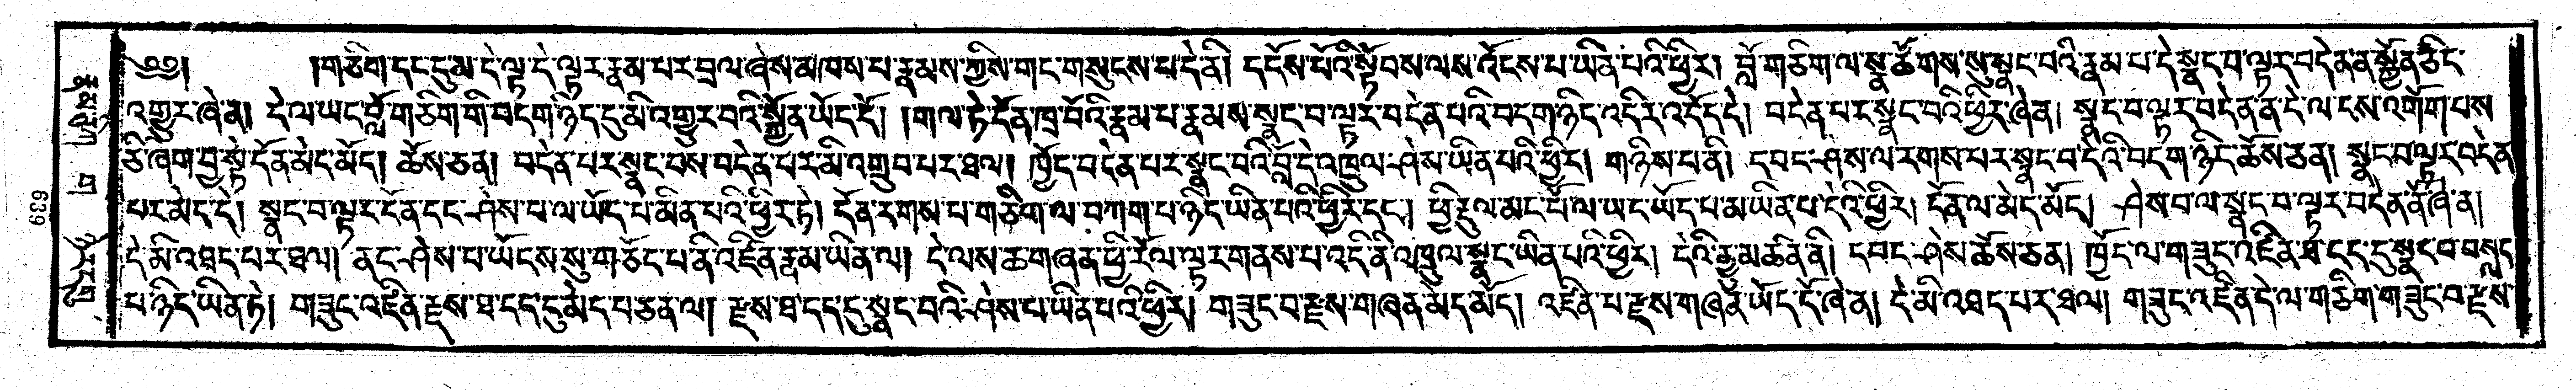༄༅། །གཅིག་དང་དུ་མ་དེ་ལྟ་དེ་ལྟར་རྣམ་པར་བྲལ་ཞེས་མཁས་པ་རྣམས་ཀྱིས་གང་གསུངས་པ་དེ་ནི། དངོས་པོའི་སྟོབས་ལས་འོངས་པ་ཡིན་པའི་ཕྱིར། བློ་གཅིག་ལ་སྣ་ཚོགས་སུ་སྣང་བའི་རྣམ་པ་དེ་སྣང་བ་ལྟར་བདེན་ན་སྐྱོན་ཅིང་
འགྱུར་ཞེ་ན། དེ་ལ་ཡང་བློ་གཅིག་གི་བདག་ཉིད་དུ་མི་འགྱུར་བའི་སྐྱོན་ཡོད་དོ། །གལ་ཏེ་དོན་ཁྲ་བོའི་རྣམ་པ་རྣམས་སྣང་བ་ལྟར་བདེན་པའི་བདག་ཉིད་འདིར་འདོད་དེ། བདེན་པར་སྣང་བའི་ཕྱིར་ཞེ་ན། སྣང་བ་ལྟར་བདེན་ན་དེ་ལ་ངས་འགོག་པས་
ཅི་ཞིག་བྱ་སྟེ་དོན་མེད་མོད། ཆོས་ཅན། བདེན་པར་སྣང་བས་བདེན་པར་མི་འགྲུབ་པར་ཐལ། ཁྱོད་བདེན་པར་སྣང་བའི་བློ་དེ་འཁྲུལ་ཤེས་ཡིན་པའི་ཕྱིར། གཉིས་པ་ནི། དབང་ཤེས་ལ་རགས་པར་སྣང་བ་དེའི་བདག་ཉིད་ཆོས་ཅན། སྣང་བ་ལྟར་བདེན་
བར་མེད་དེ། སྣང་བ་ལྟར་དོན་དང་ཤེས་པ་ལ་ཡོད་པ་མིན་པའི་ཕྱིར་ཏེ། དོན་རགས་པ་གཅིག་ལ་བཀག་པ་ཉིད་ཡིན་པའི་ཕྱིར་དང་། ཕྱི་རྡུལ་མང་པོ་ལ་ཡང་ཡོད་པ་མ་ཡིན་པ་དེའི་ཕྱིར། དོན་ལ་མེད་མདོ། ཤེས་པ་ལ་སྣང་བ་ལྟར་བདེན་ནོ་ཞེ་ན།
དེ་མི་འཐད་པར་ཐལ། ནང་ཤེས་པ་ཡོངས་སུ་གཅོང་པ་ནི་འཛིན་རྣམ་ཡིན་ལ། དེ་ལས་ཆ་གཞན་ཕྱི་རོལ་ལྟར་གནས་པ་འདི་ནི་འཁྲུལ་སྣང་ཡིན་པའི་ཕྱིར། དེའི་རྒྱུ་མཚན་ནི། དབང་ཤེས་ཆོས་ཅན། ཁྱོད་ལ་གཟུང་འཛིན་ཐ་དད་དུ་སྣང་བ་བསླང་
པ་ཉིད་ཡིན་ཏེ། གཟུང་འཛིན་རྫས་ཐ་དད་དུ་མེད་པ་ཅན་ལ། རྫས་ཐ་དད་དུ་སྣང་བའི་ཤེས་པ་ཡིན་པའི་ཕྱིར། གཟུང་བ་རྫས་གཞན་མེད་མོད། འཛིན་པ་རྫས་གཞན་ཡོད་དོ་ཞེ་ན། དེ་མི་འཐད་པར་ཐལ། གཟུང་འཛིན་དེ་ལ་གཅིག་གཟུང་བ་རྫས་